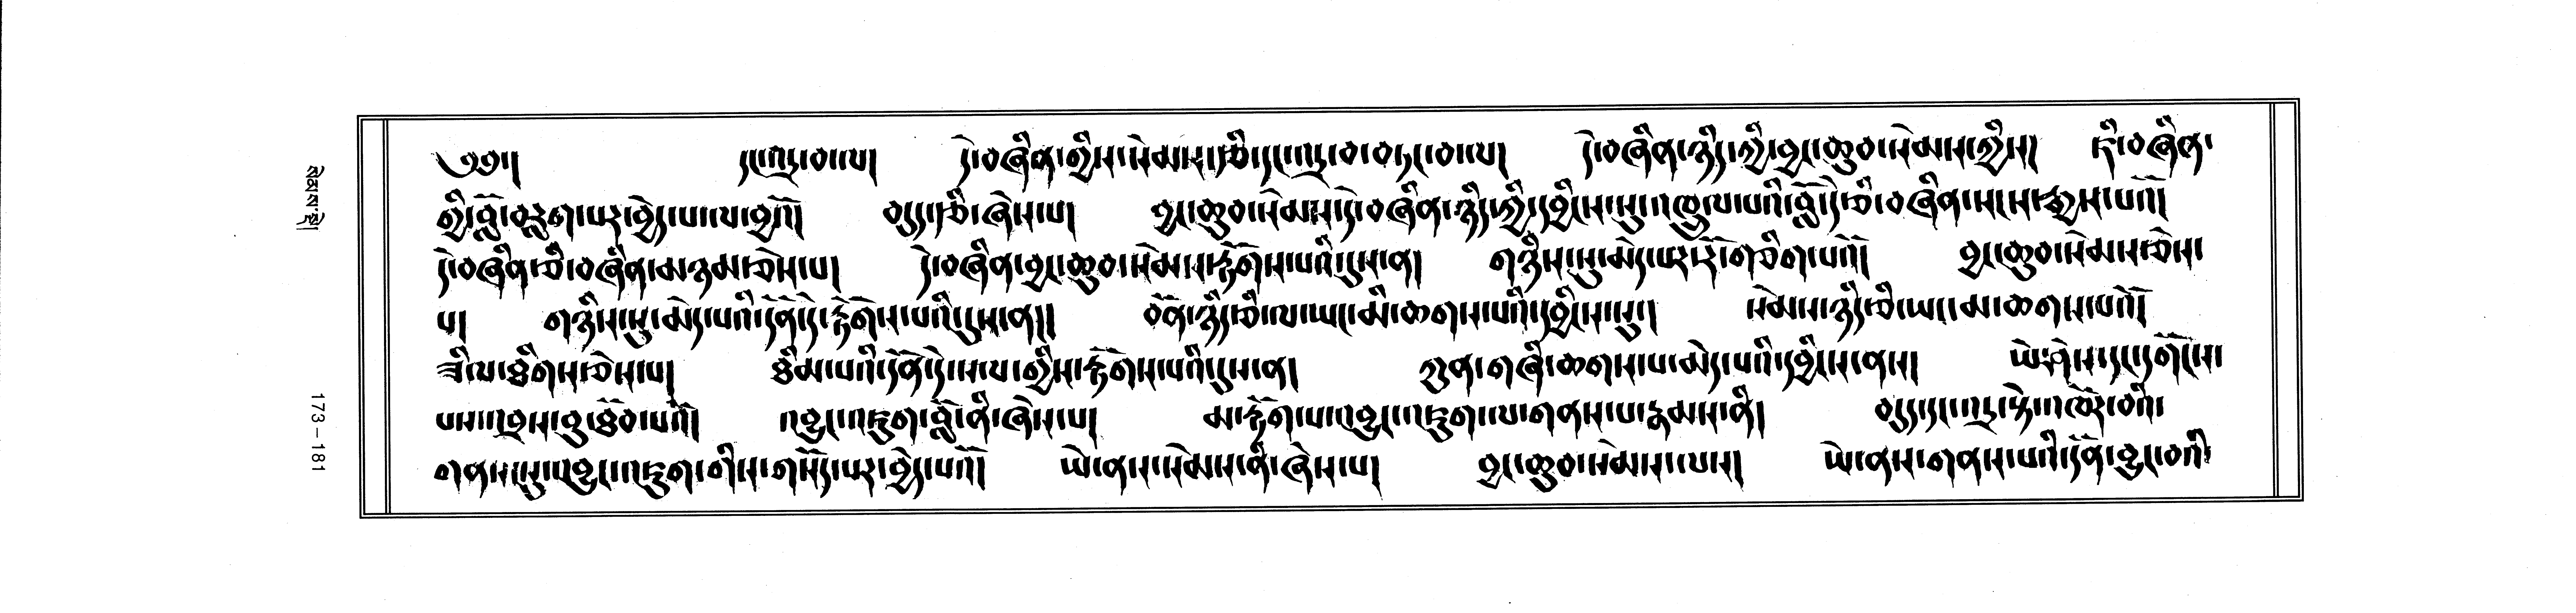དང་འདྲ་བ་ལ། དེ་བཞིན་གྱི་སེམས་རྩི་དང་འདྲ་བ་བཏང་བ་ལ། དེ་བཞིན་ཉིད་ཀྱི་བྱང་ཆུབ་སེམས་ཀྱིས། ཇི་བཞིན་
ཉིད་ཀྱི་བློ་བརླག་པར་བྱེད་པ་ལ་བྱའོ། །བདུད་རྩི་ཞེས་པ། བྱང་ཆུབ་སེམས་དེ་བཞིན་ཉིད་ཀྱི་དབྱིངས་སུ་འཁྲུལ་པའི་བློ་དེ་ཅི་བཞིན་སངས་རྒྱས་པའོ། །
དེ་བཞིན་ཅི་བཞིན་མཉམ་ཞེས་པ། དེ་བཞིན་བྱང་ཆུབ་ཀྱི་སེམས་རྟོགས་པའི་དུས་ན། གཉིས་སུ་མེད་པར་རོ་གཅིག་པའོ། །བྱང་ཆུབ་སེམས་ཅེས་
པ་གཉིས་སུ་མེད་པའི་དོན་དེ་རྟོགས་པའི་དུས་ན། བོན་ཉིད་ཅི་ལ་ཡང་མི་ཆགས་པའི་དབྱིངས་སུ། སེམས་ཉིད་ཅི་ཡང་མ་ཆགས་པའོ། །
ཟིལ་ཐིགས་ཅེས་པ། ཐིམ་པའི་དོན་དེ་སལ་གྱིས་རྟོགས་པའི་དུས་ན། ཀུན་གཞི་ཆགས་པ་མེད་པའི་དབྱིངས་ནས། ཡེ་ཤེས་དང་དགོངས་
པ་འབྲས་བུ་ཐོབ་པའོ། །འབྱུང་འཇུག་བློ་ནི་ཞེས་པ། མ་རྟོགས་པ་འབྱུང་འཇུག་ལ་གནས་པ་རྣམས་ནི། བདུད་དང་འདྲ་སྟེ་འཁོར་བའི་
གནས་སུ་འབྱུང་འཇུག་གིས་གསོད་པར་བྱེད་པའོ། །ཡེ་ནས་སེམས་ནི་ཞེས་པ། བྱང་ཆུབ་སེམས་ལས། ཡེ་ནས་གནས་པའི་དོན་བྱུང་བའི་